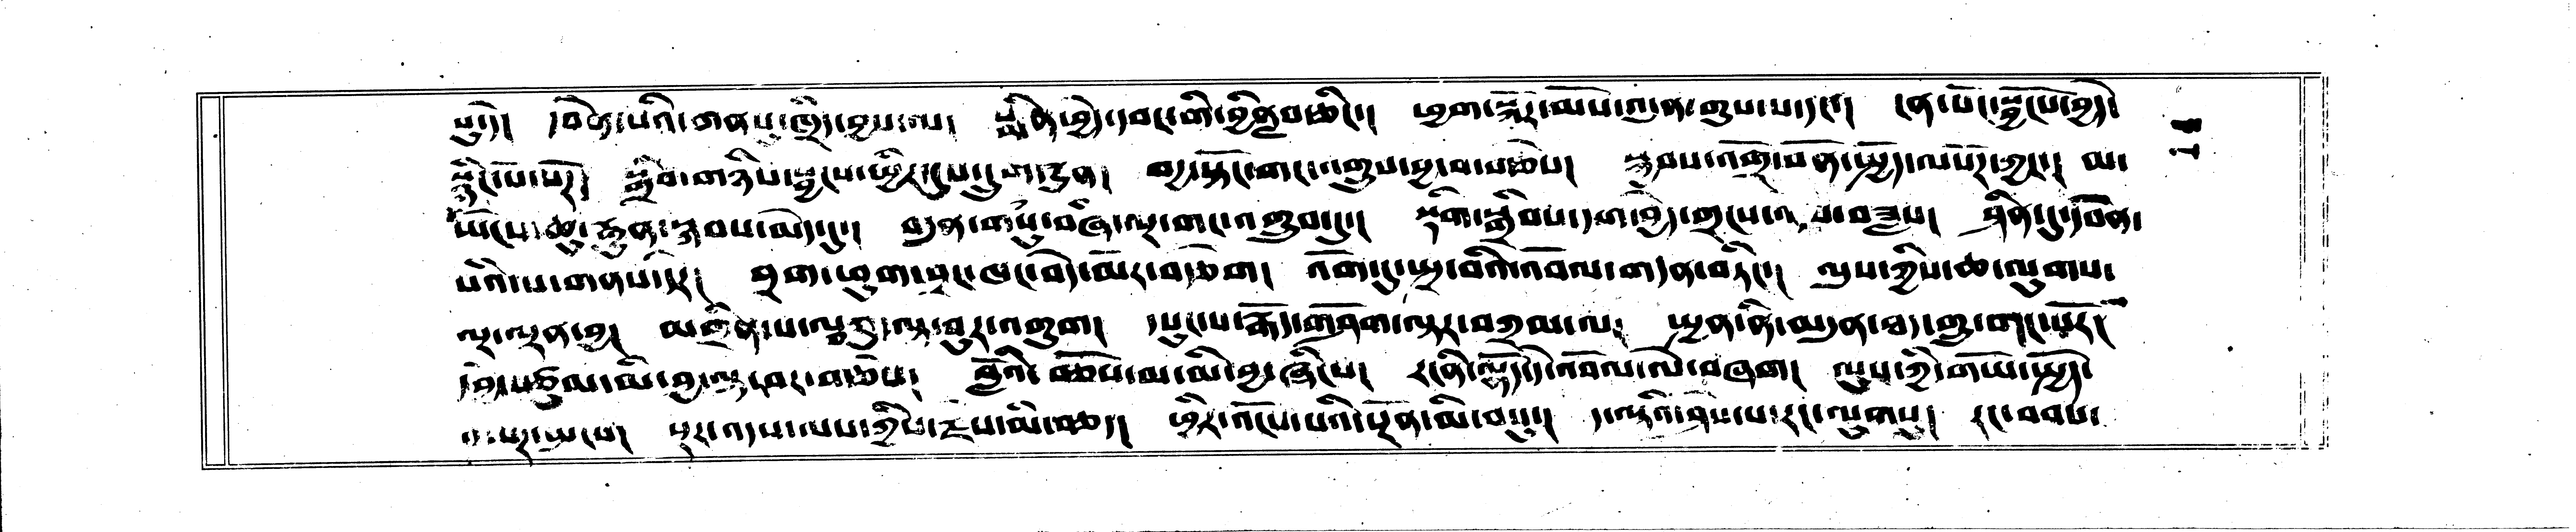བུ་དེ། དབེན་པའི་གནས་སུ་ཁྲིད་བྱས་ལ། སྨིན་བྱེད་དབང་གིས་བྱིན་རླབས་ཅིང་། ཕྱག་སྐོར་མོས་འདུན་གུས་པ་དང་། ངན་སོང་སྦྱོང་བྱེད་
སྙིང་པོ་སོགས། སྒྲིབ་གཉིས་སྦྱང་ཕྱིར་དུས་དྲུག་ཀུན། བརྒྱ་སྟོང་གང་འགྲུབ་བྱ་བ་གཅེས། སྐྱབས་འགྲོ་བོན་སྤྱོད་ལ་སོགས་ཀྱང་། མ་
ཡེངས་ཆུ་རྒྱུན་སྐབས་མེད་དུ། བདུན་གསུམ་བཞི་ལྔ་གང་འགྲུབ་ཏུ། སྡིག་སྒྲིབ་དག་བྱེད་གྲངས་ལས་བཟླས། ཤིན་ཏུ་དབེན་
པའི་ས་གནས་དེར། བྲག་ཕུག་བྲང་ཁང་བདེ་མོར་བརྩེགས། འོག་ཏུ་སྤྲ་བའི་འབོལ་གདན་བཏིང་། ལུས་ཀྱིས་ཆ་ལུགས་
ལྔ་ལྡན་བྱ། མགྲིན་པ་ལྕཀྱུ་ལྟ་བུར་དགུག དཔུང་པ་རྒོད་གཤོག་ལྟར་བཀྲམ་ལ། སྤྱན་ནི་མདུན་ཐད་གྲུ་གང་པོར།
དབྱེ་བཙུམ་མི་བྱ་བལྟ་བར་གཅེས། བློ་ཡིས་བཅོས་མ་མི་བྱ་ཞིང་། རང་བཞིན་ལྷོད་དེ་འབོལ་ལེ་བཞག ལུས་ཀྱིས་གཡོ་སྤྱོད་
ལ་སོགས་སྤངས། སྔར་འདས་ལས་ཀྱི་རྗེས་མི་བཅད། ཕྱིར་འོང་པ་ཡི་སྔོན་མི་བསུ། ད་ལྟའི་ཤེས་པ་རང་ལུགས་སུ། རང་བབས་